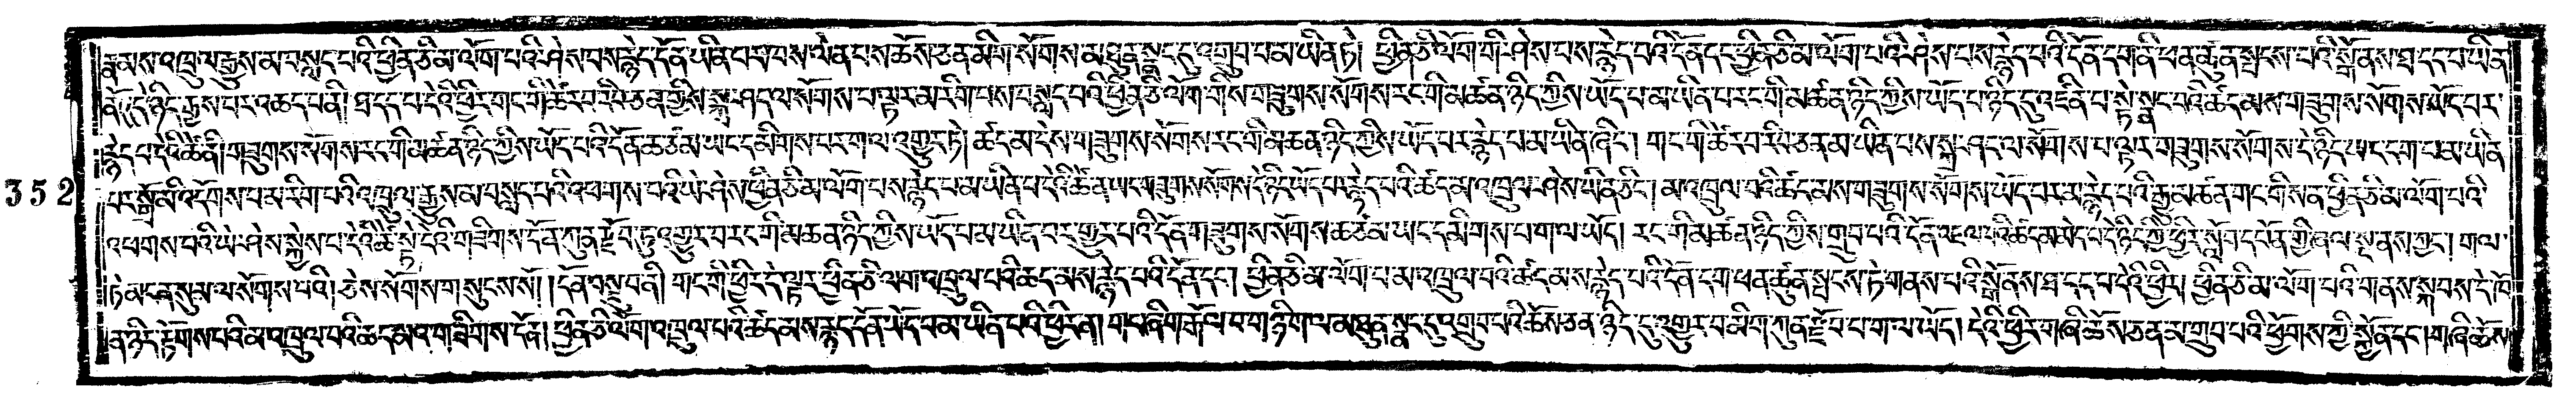རྣམས་འཁྲུལ་རྒྱུས་མ་བསླད་པའི་ཕྱིན་ཅི་མ་ལོག་པའི་ཤེས་པས་རྙེད་དོན་ཡིན་བར་ཁས་ལེན་པས་ཆོས་ཅན་མིག་སོགས་མཐུན་སྣང་དུ་འགྲུབ་པ་མ་ཡིན་ཏེ། ཕྱིན་ཅི་ལོག་གི་ཤེས་པས་རྙེད་བའི་དོན་དང་ཕྱིན་ཅི་མ་ལོག་པའི་ཤེས་པས་རྙེད་པའི་དོན་དག་ནི་ཕན་ཚུན་སྤངས་པའི་སྒོ་ནས་ཐ་དད་པ་ཡིན་
ནོ༑ ༑དེ་ཉིད་རྒྱས་པར་འཆད་པ་ནི། ཐ་དད་པ་དེའི་ཕྱིར་གང་གི་ཚེ་རབ་དེ་བ་ཅན་གྱིས་སྐྲ་ཤད་ལ་སོགས་པ་ལྟར་མ་རིག་པས་བསླད་བའི་ཕྱིན་ཅི་ལོག་གིས་གཟུགས་སོགས་རང་གི་མཚན་ཉིད་ཀྱིས་ཡོད་པ་མ་ཡིན་པ་རང་གི་མཚན་ཉིད་ཀྱིས་ཡོད་པ་ཉིད་དུ་འཛིན་པ་སྟེ་སྣང་བའི་ཚད་མས་གཟུགས་སོགས་ཡོད་པར་
རྙེད་པ་དེའི་ཚེ་ནི། གཟུགས་སོགས་རང་གི་མཚན་ཉིད་ཀྱིས་ཡོད་པའི་དོན་ཆ་ཙམ་ཡང་དམིགས་པར་ག་ལ་འགྱུར་ཏེ། ཚད་མ་ངེས་གཟུགས་སོགས་རང་གི་མཚན་ཉིད་ཀྱིས་ཡོད་པར་རྙེད་པ་མ་ཡིན་ཞིང་། གང་གི་ཚེ་རབ་རིབ་ཅན་མ་ཡིན་པས་སྐྲ་ཤང་ལ་སོགས་པ་ལྟར་གཟུགས་སོགས་དེ་ཉིད་ཡང་དག་པ་མ་ཡིན་
པར་སྒྲོ་མི་འདོགས་པ་མ་རིག་པའི་འཁྲུལ་རྒྱུས་མ་བསླད་པའི་འཕགས་བའི་ཡེ་ཤེས་ཕྱིན་ཅི་མ་ལོག་པས་རྙེད་པ་མ་ཡིན་པ་དེའི་ཚེ་ན་ཡང་གཟུགས་སོགས་དེ་ཉིད་ཡོད་པར་རྙེད་པའི་ཚད་མ་འཁྲུལ་ཤེས་ཡིན་ཅིང་། མ་འཁྲུལ་བའི་ཚད་མས་གཟུགས་སོགས་ཡོད་པར་མ་རྙེད་པའི་རྒྱུ་མཚན་གང་གིས་ན་ཕྱིན་ཅི་མ་ལོག་པའི་
འཕགས་བའི་ཡེ་ཤེས་སྐྱེས་པ་དེའི་ཚེ་སྟེ་དེའི་གཟིགས་དོན་ཀུན་རྫོབ་ཏུ་འགྱུར་བ་རང་གི་མཚན་ཉིད་ཀྱིས་ཡོད་པ་མ་ཡིན་པར་གྱུར་པའི་དོན་གཟུགས་སོགས་ཆ་ཙམ་ཡང་དམིགས་པ་ག་ལ་ཡོད། རང་གི་མཚན་ཉིད་ཀྱིས་གྲུབ་པའི་དོན་འཇལ་བའི་ཚད་མ་མེད་པ་དེ་ཉིད་ཀྱི་ཕྱིར་སློབ་དཔོན་གྱི་ཞལ་སྔ་ནས་ཀྱང་། གལ་
ཏེ་མངོན་སུམ་ལ་སོགས་པའི། ཅེས་སོགས་གསུངས་སོ། །དོན་བསྡུ་བ་ནི། གང་གི་ཕྱིར་དེ་ལྟར་ཕྱིན་ཅི་ལག་འཁྲུལ་བའི་ཚད་མས་རྙེད་བའི་དོན་དང་། ཕྱིན་ཅི་མ་ལོག་པ་མ་འཁྲུལ་བའི་ཚད་མས་རྙེད་པའི་དོན་དག་ཕན་ཚུན་སྤངས་ཏེ་གནས་པའི་སྒོ་ནས་ཐ་དད་པ་དེའི་ཕྱིར། ཕྱིན་ཅི་མ་ལོག་པའི་གནས་སྐབས་དེ་ཁོ་
ན་ཉིད་རྟོགས་པའི་མ་འཁྲུལ་བའི་ཆད་མའི་གཟིགས་དོན། ཕྱིན་ཅི་ལོག་འཁྲུལ་བའི་ཚད་མས་རྙད་དོན་ཡོད་པ་མ་ཡིན་པའི་ཕྱིར་ན། གང་ཞིག་རྒོལ་བ་གཉི་གལ་མཐུན་སྣང་དུ་འགྲུབ་པའི་ཆོས་ཅན་ཉིད་དུ་འགྱུར་བ་མིག་ཀུན་རྫོབ་པ་ག་ལ་ཡོད། དེའི་ཕྱིར་གཞི་ཆོས་ཅན་མ་གྲུབ་པའི་ཕྱོགས་ཀྱི་སྐྱོན་དང་། གཞི་ཆོས་